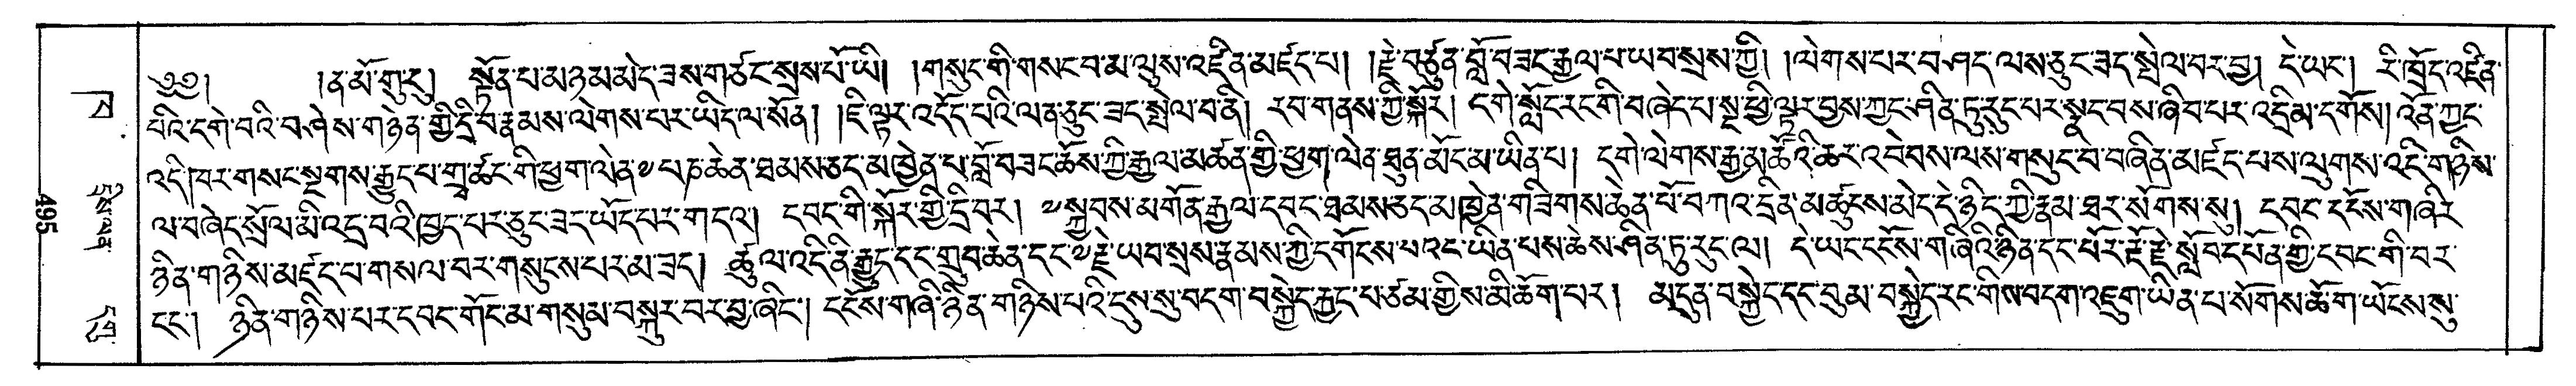༄༅། །ན་མོ་གུ་རུ། སྟོན་པ་མཉམ་མེད་ཟས་གཙང་སྲས་པོ་ཡི། །གསུང་གི་གསང་བ་མ་ལུས་འཛིན་མཛད་པ། །རྗེ་བཙུན་བློ་བཟང་རྒྱལ་བ་ཡབ་སྲས་ཀྱི། །ལེགས་པར་བཤད་ལས་ཅུང་ཟད་སྤེལ་བར་བྱ། དེ་ཡང་། རི་ཁྲོད་འཛིན་
པའི་དགེ་བའི་བཤེས་གཉེན་གྱི་དྲི་བ་རྣམས་ལེགས་པར་ཡིད་ལ་སོན། །ཇི་ལྟར་འདོད་པའི་ལན་ཅུང་ཟད་སྤེལ་བ་ནི། རབ་གནས་ཀྱི་སྐོར། དགེ་སློང་རང་གི་བཞེད་པ་སྡ་ཕྱི་ལྟར་བྱས་ཀྱང་ཤིན་ཏུ་རུད་པར་སྣང་བས་ཞིབ་པར་འདྲི་མ་དགོས། འོན་ཀྱང་
འདི་ཁར་གསང་སྔགས་རྒྱུད་པ་གྲྭ་ཚང་གི་ཕྱག་ལེན་༈ པཎ་ཆེན་ཐམས་ཅད་མཁྱེན་པ་བློ་བཟང་ཆོས་ཀྱི་རྒྱལ་མཚན་གྱི་ཕྱག་ལེན་ཐུན་མོང་མ་ཡིན་པ། དགེ་ལེགས་རྒྱ་མཚོའི་ཆར་འབེབས་ལས་གསུང་བ་བཞིན་མཛད་པས་ལུགས་འདི་གཉིས་
ལ་བཞེད་སྲོལ་མི་འདྲ་བའི་ཁྱད་པར་ཅུང་ཟད་ཡོད་པར་དགའ། དབང་གི་སྐོར་གྱི་དྲི་བར། ༈ སྐྱབས་མགོན་རྒྱལ་དབང་ཐམས་ཅད་མཁྱེན་གཟིགས་ཆེན་པོ་བཀའ་དྲིན་མཚུངས་མེད་དེ་ཉིད་ཀྱི་རྣམ་ཐར་སོགས་སུ། དབང་དངོས་གཞིར་
ཉིན་གཉིས་མཛད་པ་གསལ་བར་གསུངས་པར་མ་ཟད། ཚུལ་འདི་ནི་རྒྱུད་དང་གྲུབ་ཆེན་དང་༈ རྗེ་ཡབ་སྲས་རྣམས་ཀྱི་དགོངས་པའང་ཡིན་པས་ཆེས་ཤིན་ཏུ་རུང་ལ། དེ་ཡང་དངོས་གཞིའི་ཉིན་དང་པོར་རྡོ་རྗེ་སློབ་དཔོན་གྱི་དབང་གི་
དང༑ ཉིན་གཉིས་པར་དབང་གོང་མ་གསུམ་བསྐུར་བར་བྱ་ཞིང་། དངོས་གཞི་ཉིན་གཉིས་པའི་དུས་སུ་བདག་བསྐྱེད་རྐྱང་པ་ཙམ་གྱིས་མི་ཆོག་པར། མདུན་བསྐྱེད་དང་བུམ་བསྐྱེད་རང་གིས་བདག་འཇུག་ལེན་པ་སོགས་ཆོ་ག་ཡོངས་སུ་